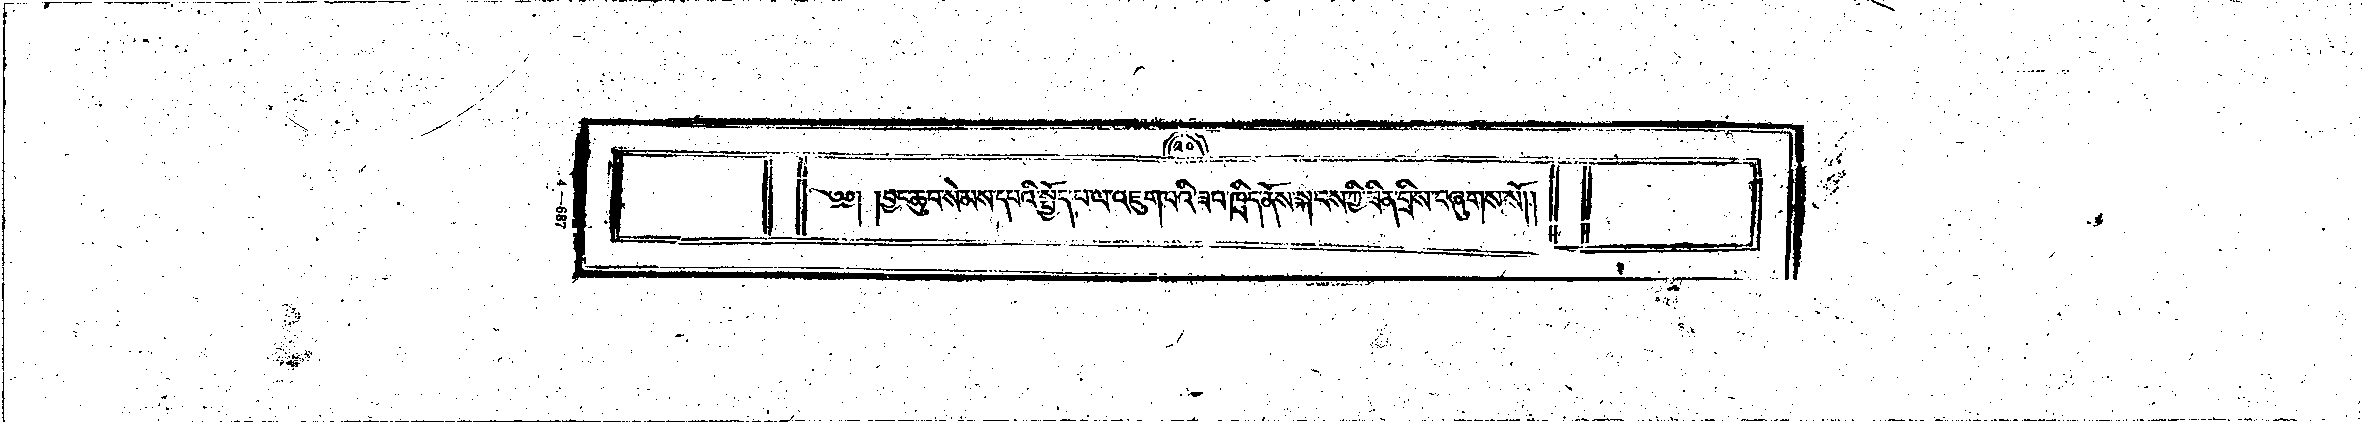༄༅། །བྱང་ཆུབ་སེམས་དཔའི་སྤྱོད་པ་ལ་འཇུག་པའི་ཟབ་ཁྲིད་ནོས་སྐབས་ཀྱི་ཟིན་བྲིས་བཞུགས་སོ། །